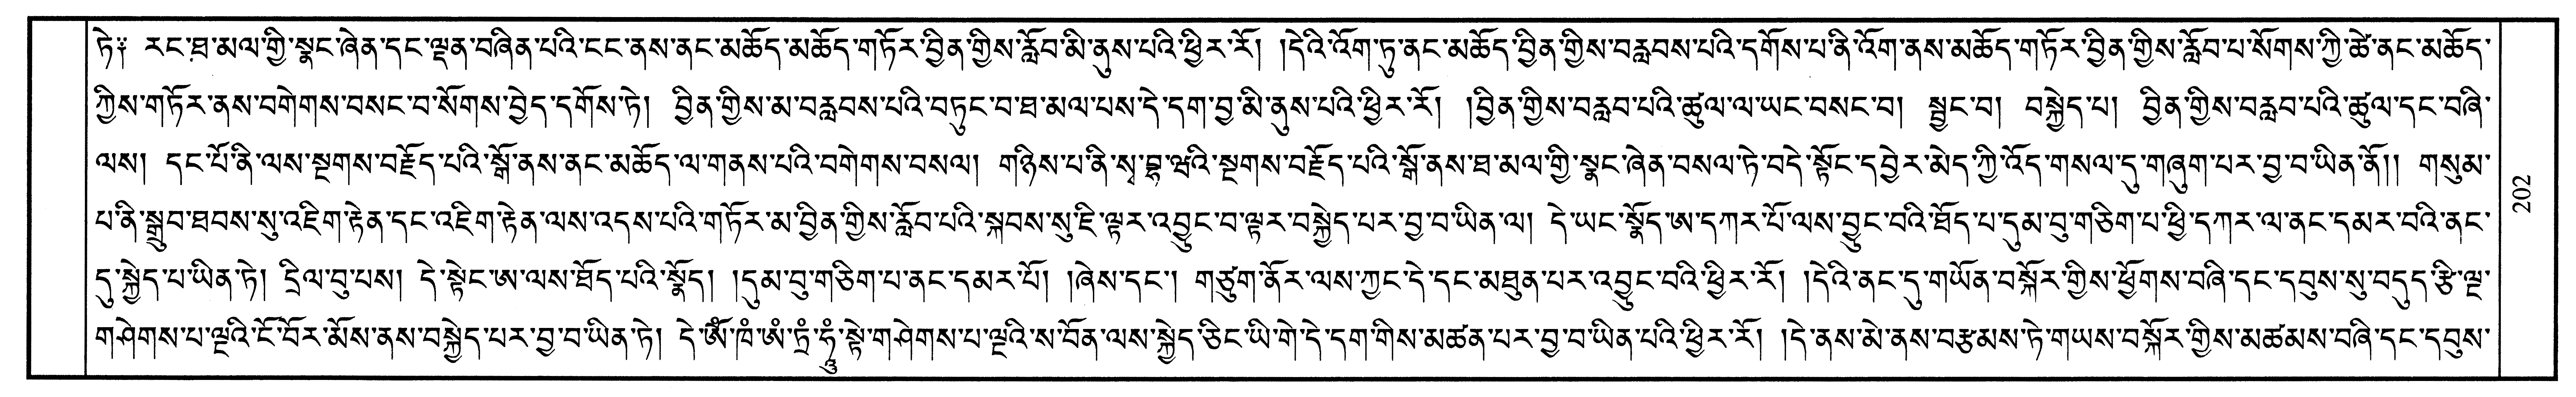ཏེ༑ རང་ཐ་མལ་གྱི་སྣང་ཞེན་དང་ལྡན་བཞིན་པའི་ངང་ནས་ནང་མཆོད་མཆོད་གཏོར་བྱིན་གྱིས་རློབ་མི་ནུས་པའི་ཕྱིར་རོ། །དེའི་འོག་ཏུ་ནང་མཆོད་བྱིན་གྱིས་བརླབས་པའི་དགོས་པ་ནི་འོག་ནས་མཆོད་གཏོར་བྱིན་གྱིས་རློབ་པ་སོགས་ཀྱི་ཚེ་ནང་མཆོད་
ཀྱིས་གཏོར་ནས་བགེགས་བསང་བ་སོགས་བྱེད་དགོས་ཏེ། བྱིན་གྱིས་མ་བརླབས་པའི་བཏུང་བ་ཐ་མལ་པས་དེ་དག་བྱ་མི་ནུས་པའི་ཕྱིར་རོ། །བྱིན་གྱིས་བརླབ་པའི་ཚུལ་ལ་ཡང་བསང་བ། སྦྱང་བ། བསྐྱེད་པ། བྱིན་གྱིས་བརླབ་པའི་ཚུལ་དང་བཞི་
ལས། དང་པོ་ནི་ལས་སྔགས་བརྗོད་པའི་སྒོ་ནས་ནང་མཆོད་ལ་གནས་པའི་བགེགས་བསལ། གཉིས་པ་ནི་སྭ་བྷ་ཝའི་སྔགས་བརྗོད་པའི་སྒོ་ནས་ཐ་མལ་གྱི་སྣང་ཞེན་བསལ་ཏེ་བདེ་སྟོང་དབྱེར་མེད་ཀྱི་འོད་གསལ་དུ་གཞུག་པར་བྱ་བ་ཡིན་ནོ།། གསུམ་
པ་ནི་སྒྲུབ་ཐབས་སུ་འཇིག་རྟེན་དང་འཇིག་རྟེན་ལས་འདས་པའི་གཏོར་མ་བྱིན་གྱིས་རློབ་པའི་སྐབས་སུ་ཇི་ལྟར་འབྱུང་བ་ལྟར་བསྐྱེད་པར་བྱ་བ་ཡིན་ལ། དེ་ཡང་སྣོད་ཨ་དཀར་པོ་ལས་བྱུང་བའི་ཐོད་པ་དུམ་བུ་གཅིག་པ་ཕྱི་དཀར་ལ་ནང་དམར་བའི་ནང་
དུ་སྐྱེད་པ་ཡིན་ཏེ། དྲིལ་བུ་པས། དེ་སྟེང་ཨ་ལས་ཐོད་པའི་སྣོད། །དུམ་བུ་གཅིག་པ་ནང་དམར་པོ། །ཞེས་དང་། གཙུག་ནོར་ལས་ཀྱང་དེ་དང་མཐུན་པར་འབྱུང་བའི་ཕྱིར་རོ། །དེའི་ནང་དུ་གཡོན་བསྐོར་གྱིས་ཕྱོགས་བཞི་དང་དབུས་སུ་བདུད་རྩི་ལྔ་
གཤེགས་པ་ལྔའི་ངོ་བོར་མོས་ནས་བསྐྱེད་པར་བྱ་བ་ཡིན་ཏེ། དེ་ཨོཾ་ཁཾ་ཨཾ་ཏྲཾ་ཧཱུཾ་སྟེ་གཤེགས་པ་ལྔའི་ས་བོན་ལས་སྐྱེད་ཅིང་ཡི་གེ་དེ་དག་གིས་མཚན་པར་བྱ་བ་ཡིན་པའི་ཕྱིར་རོ། །དེ་ནས་མེ་ནས་བརྩམས་ཏེ་གཡས་བསྐོར་གྱིས་མཚམས་བཞི་དང་དབུས་